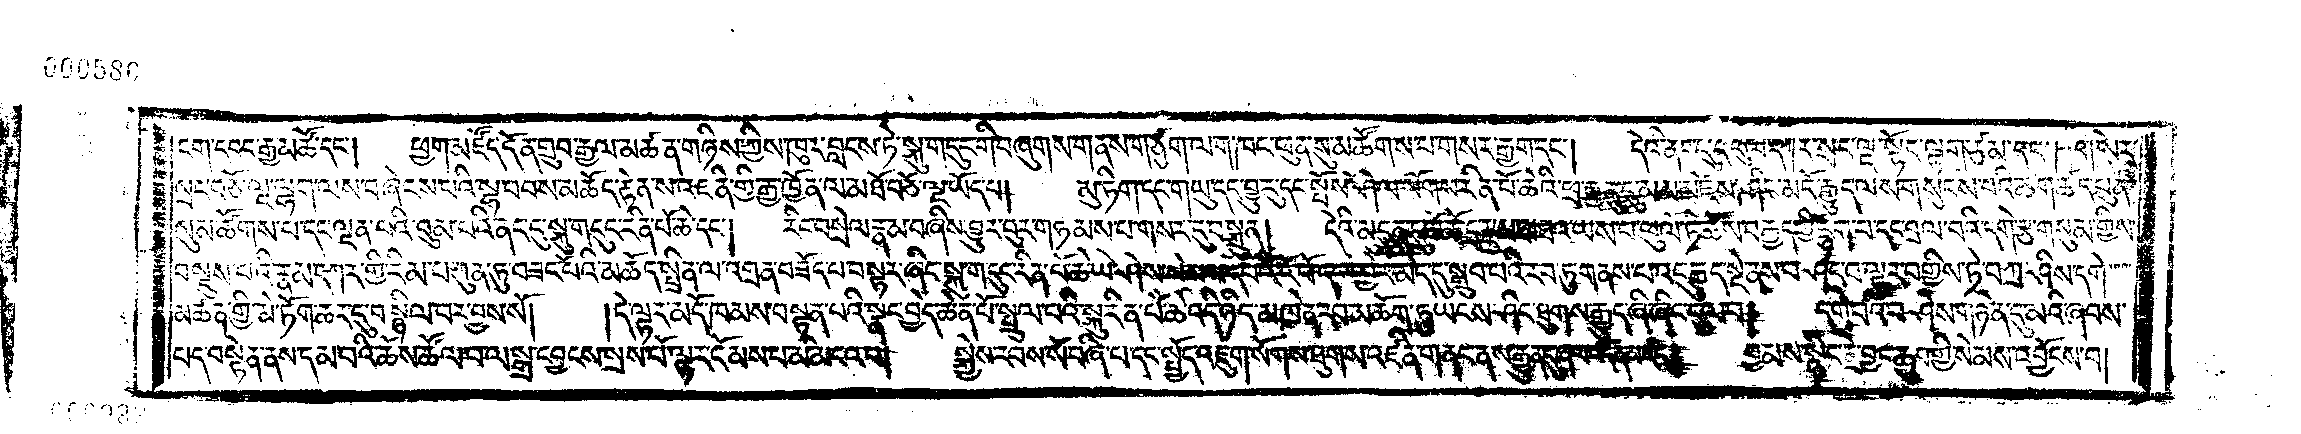ངག་དབང་རྒྱ་མཚོ་དང་། ཕྱག་མཛོད་དོན་གྲུབ་རྒྱལ་མཚན་གཉིས་ཀྱིས་ཁུར་བླངས་ཏེ་སྐུ་གདུང་གི་བཞུགས་གནས་གཙུག་ལག་ཁང་ཕུན་སུམ་ཚོགས་པ་གསར་རྒྱག་དང་། དེའི་ནང་དུ་དངུལ་དཀར་སྲང་ལྔ་སྟོང་ལྷག་ཙམ་དང་། གསེར་
སྲང་བཅོ་ལྔ་ལྷག་ལས་བཞེངས་པའི་ལྷ་བབས་མཆོད་རྟེན་ས་འཛིན་གྱི་རྒྱ་ཁྱོན་ལ་མཐོ་བཅོ་ལྔ་ཡོད་པ། མུ་ཏིག་དང་གཡུ་དང་བྱུ་རུ་དང་སྤོས་ཤེལ་སོགས་རིན་པོ་ཆེའི་ཕྲ་རྒྱན་དུ་མས་མཛེས་ཤིང་མདོ་རྒྱུད་ལས་གསུངས་པའི་ཆག་ཚད་ཕུན་
སུམ་ཚོགས་པ་དང་ལྡན་པའི་བུམ་པའི་ནང་དུ་སྐུ་གདུང་རིན་པོ་ཆེ་དང་། རིང་བསྲེལ་རྣམ་བཞིས་བྱུར་བུར་གཏམས་པ་གསར་དུ་བསྐྲུན། དེའི་མདུན་དུ་མཆོད་རྫས་མཐའ་ཡས་པ་ཕུལ་ཏེ་ཆོས་བརྒྱད་ཀྱི་རྙོག་པ་དང་བྲལ་བའི་དགེ་རྩ་གསུམ་གྱིས་
བསྡུས་པའི་རྣམ་དཀར་གྱི་རིམ་པ་ཀུན་ཏུ་བཟང་པོའི་མཆོད་སྤྲིན་ལ་འགྲན་བཟོད་པ་བསྟར་ཞིང་སྐུ་གདུང་རིན་པོ་ཆེ་ཡེ་ཤེས་སེམས་དཔའི་ངོ་བོ་དང་དབྱེར་མེད་དུ་སྒྲུབ་པའི་རབ་ཏུ་གནས་པའང་རྒྱུད་སྡེ་ནས་བཤད་པ་ལྟར་བགྱིས་ཏེ་བཀྲ་ཤིས་དགེ་
མཚན་གྱི་མེ་ཏོག་ཆར་དུ་བསྙིལ་བར་བྱས་སོ། །དེ་ལྟར་མདོ་ཁམས་བསྟན་པའི་སྣང་བྱེད་ཆེན་པོ་སྤྲུལ་བའི་སྐུ་རིན་པོ་ཆེ་འདི་ཉིད་མཁྱེན་རབ་མཆོག་ཏུ་ཡངས་ཤིང་ཐུགས་རྒྱུད་ཞི་ཞིང་དུལ་བ། དགེ་བའི་བཤེས་གཉེན་དུ་མའི་ཞབས་
པད་བསྟེན་ནས་དམ་པའི་ཆོས་ཚོལ་བ་ལ་སྒྲ་དབྱངས་སྲས་པོ་ལྟར་ངོམས་པ་མི་མངའ་བ། སྐྱེས་རབས་སོ་བཞི་པ་དང་སྤྱོད་འཇུག་སོགས་ཐུགས་འཛིན་གནང་ནས་རྒྱུན་དུ་ཞལ་འདོན་མཛད། བྱམས་སྙིང་རྗེ་བྱང་ཆུབ་གྱི་སེམས་འབྱོངས་པ།